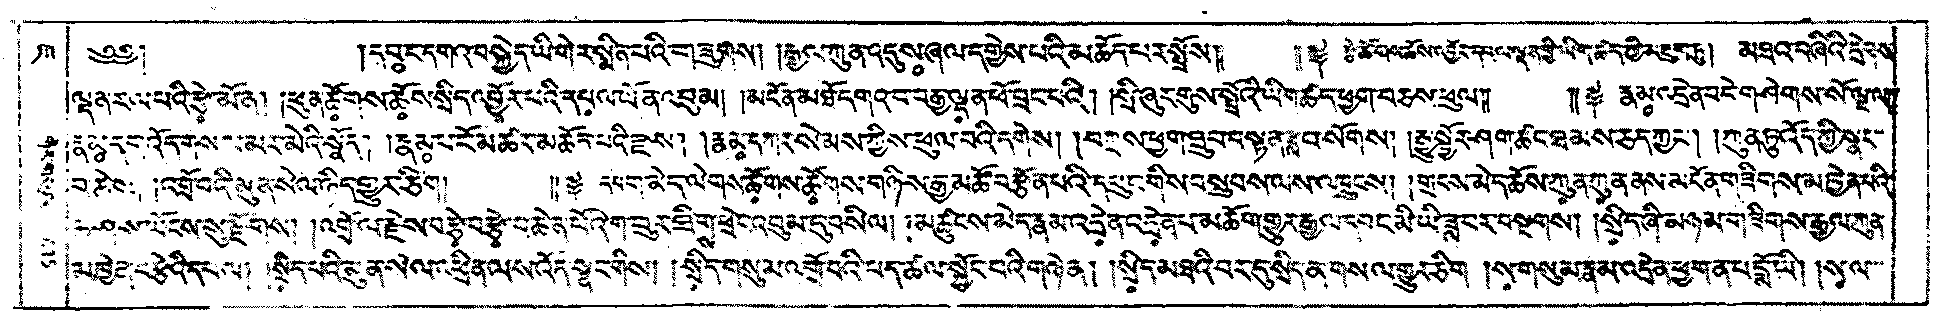༄༅། །དབང྾་དགའ་བསྐྱེད་ཡི་གེར་སྨིན་པའི་གཟུགས། །རྒྱལ་ཀུན་འདུས྾་ཞལ་དགྱེས་པའི་མཆོད་པར་སྤྲོས།། །། ༈ རྩེ་ཚོགས་ཆོས་འབྱོར་དཔལ་ལྡན་གྱི་ཡིག་ཚད་ཀྱི་མཇུག་ཏུ།  མཐའ་བཞིའི་དྲེགས་
ལྡན་རལ་པའི་རྩེ྾་མོ་ན། །ཕུན་ཚོགས྾་ཆོས྾་སྲིད་འབྱོར྾་པའི་དཔལ྾་ཡོན་འབུམ། །མངོན་མཐོ་དགའ་བ་བརྒྱ་ལྡན྾་ཕོ་བྲང་པའི། །སྲི་ཞུར་གུས་སྤྲོའི་ཡིག་ཚད་ཕྱག་བཅས་ཕུལ།། །། ༈ རྣམ྾་འདྲེན་བདེ་གཤེགས྾་སོ་ལྔ་ལ།
རྣམ྾་དག་འོད་གསལ་མར་མེའི་སྣོད། །རྣམ྾་པ་ངོ་མཚར་མཆོད་པའི་རྫས། །རྣམ྾་དཀར་སེམས་ཀྱིས་ཕུལ་བའི་དགེས། །བཀྲས་ཕྱག་ཐུབ་བསྟན་ཟླ་བ་སོགས། །རྒྱུ་སྦྱོར་ཤག་ཚང་ཐམས་ཅད་ཀྱང་། །ཀུན་ཏུ་འོད་ཀྱི་སྣང་
བ་ཆེས། །འགྲོ་བའི་མུན་སེལ་ཉིད་གྱུར་ཅིག ། །། ༈ དཔག་མེད་ལེགས་ཚོགས྾་ཚོགས྾་གཉིས་རྒྱ་མཚོ་བརྩོན་པའི་དཔུང་གིས་བསྲུབས་ལས་འཁྲུངས། །གྲངས་མེད་ཆོས་ཀུན྾་ཀུན྾་ནས་མངོན་གཟིགས་མཁྱེན་པའི་
ཆ་ཤས་ཡོངས་སུ་རྫོགས། །འགྲོ་ལ་རྗེས་བརྩེ྾་བརྩེ྾་བ་ཆེན་པོའི་ག་བུར་ཐིགས་ཕྲེང་འབུམ་དུ་བསིལ། །མཚུངས་མེད་རྣམ་འདྲེན྾་འདྲེན྾་པ་འཆོག་གྱུར་རྒྱལ་དབང་མི་ཡི་ཟླ་བར་བསྔགས། །སྲིད྾་ཞི་མཉམ་གཟིགས་རྒྱལ་ཀུན་
མཁྱེན་བརྩེའི་དཔལ། །སྲིད྾་པའི་མུན་སེལ་འཕྲིན་ལས་འོད་སྣང་གིས། །སྲིད྾་གསུམ་འགྲོ་བའི་པད་ཚལ་སྐྱོང་བའི་གཉེན། །སྲིད྾་མཐའི་བར་དུ་སྲིད་ན་གསལ་གྱུར་ཅིག །ས྾་གསུམ་རྣམ་འདྲེན་ཕྱག་ན་པདམོ་ཡི། །ས྾་ལ་